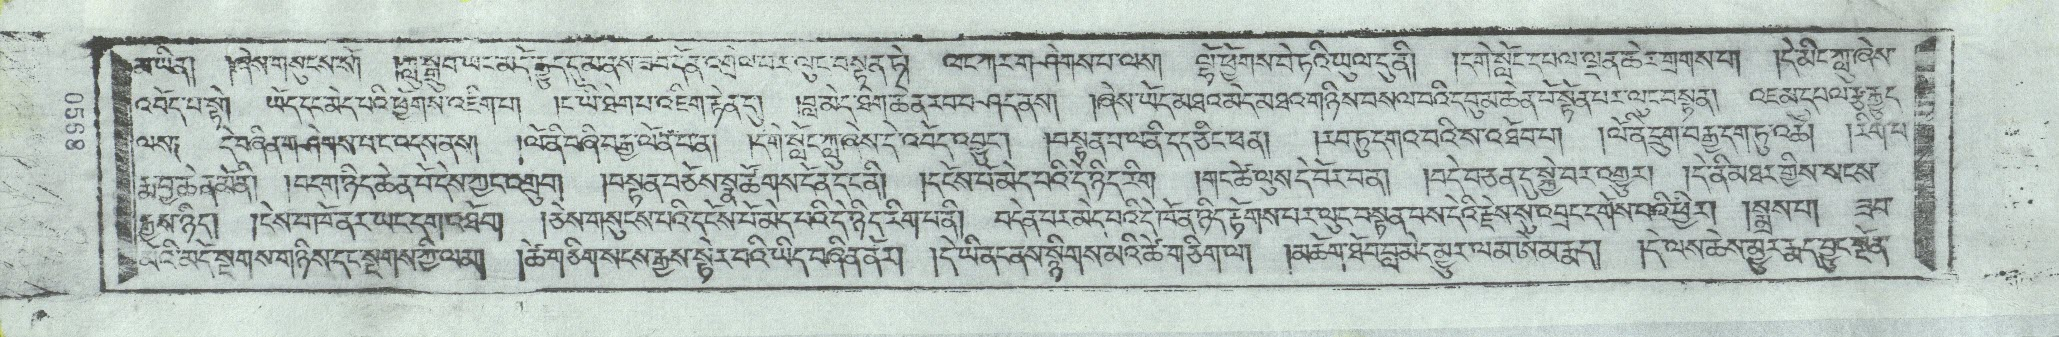མ་ཡིན། །ཞེས་གསུངས་སོ། །ཀླུ་སྒྲུབ་ཡང་མདོ་རྒྱུད་དུ་མ་ནས་ཟབ་དོན་འགྲེལ་བར་ལུང་བསྟན་ཏེ། ལང་ཀར་གཤེགས་པ་ལས། ལྷོ་ཕྱོགས་བེ་ཏའི་ཡུལ་དུ་ནི། །དགེ་སློང་དཔལ་ལྡན་ཆེར་གྲགས་པ། །དེ་མིང་ཀླུ་ཞེས་
འབོད་པ་སྟེ། ཡོད་དང་མེད་པའི་ཕྱོགས་འཇིག་པ། །ང་ཡི་ཐེག་པ་འཇིག་རྟེན་དུ། །བླ་མེད་ཐེག་ཆེན་རབ་བཤད་ནས། །ཞེས་ཡོད་མཐའ་མེད་མཐའ་གཉིས་བསལ་བའི་དབུ་མ་ཆེན་པོ་སྟོན་པར་ལུང་བསྟན། འཇམ་དཔལ་རྩ་རྒྱུད་
ལས༑ དེ་བཞིན་གཤེགས་པར་འདས་ནས། །ལོ་ནི་བཞི་བརྒྱ་ལོན་པ་ན། །དགེ་སློང་ཀླུ་ཞེས་དེ་འབོད་འབྱུང་། །བསྟན་པ་ལ་ནི་དད་ཅིང་ཕན། །རབ་ཏུ་དགའ་བའི་ས་འཐོབ་པ། །ལོ་ནི་དྲུག་བརྒྱ་དག་ཏུ་འཚོ། །རིག་པ་
རྨ་བྱ་ཆེན་མོ་ནི། །བདག་ཉིད་ཆེན་པོ་དེས་ཀྱང་འགྲུབ། །བསྟན་བཅོས་སྣ་ཚོགས་དོན་དང་ནི། །དངོས་པོ་མེད་པའི་དེ་ཉིད་རིག །གང་ཚེ་ལུས་དེ་བོར་བ་ན། །བདེ་བ་ཅན་དུ་སྐྱེ་བར་འགྱུར། །དེ་ནི་མཐར་གྱིས་སངས་
རྒྱས་ཉིད། །ངེས་པ་ཁོ་ནར་ཡང་དག་འཐོབ། །ཅེས་གསུངས་པའི་དངོས་པོ་མེད་པའི་དེ་ཉིད་རིག་པ་ནི། བདེན་པར་མེད་པའི་དེ་ཁོ་ན་ཉིད་རྟོགས་པར་ལུང་བསྟན་པས་དེའི་རྗེས་སུ་འབྲང་དགོས་པའི་ཕྱིར། །སྨྲས་པ། ཟབ་
མོའི་མདོ་སྔགས་གཉིས་དང་སྔགས་ཀྱི་ལམ། །ཚེ་གཅིག་སངས་རྒྱས་སྟེར་བའི་ཡིད་བཞིན་ནོར། །དེ་ཡི་ནང་ནས་སྙིགས་མའི་ཚེ་གཅིག་ལ། །མཆོག་ཐོབ་བླ་མེད་མྱུར་ལམ་ཨེ་མ་རྨད། །དེ་ལས་ཆེས་མྱུར་རྨད་བྱུང་སྔོན་